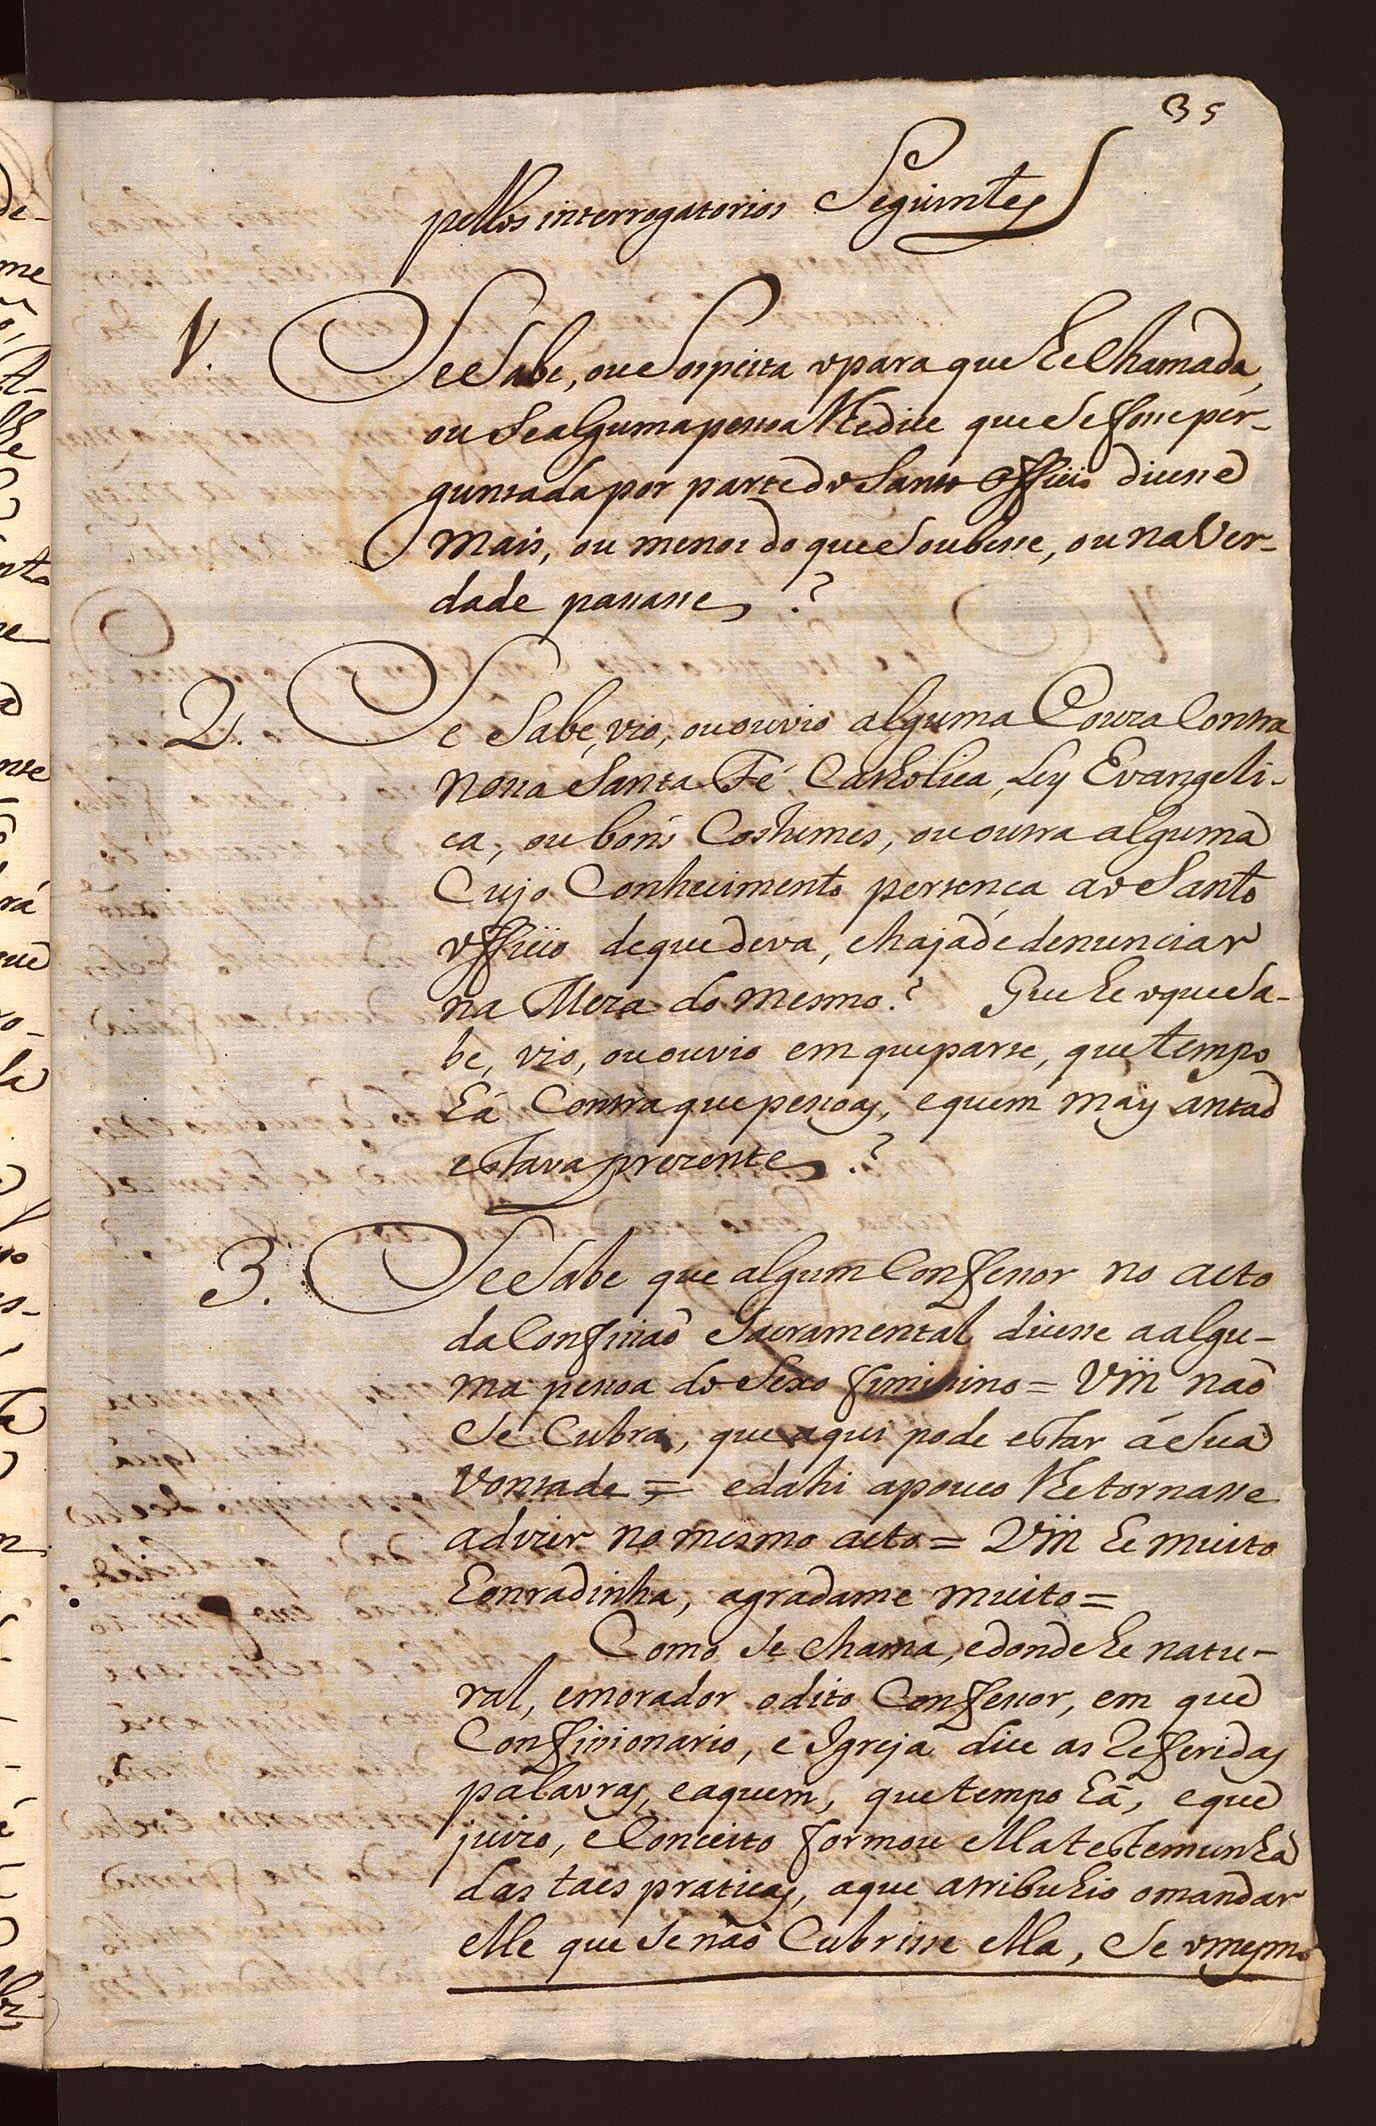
1.
2.
pellos interrogatorios Seguintes
Se Sabe, ou Sospeita o para que he chamada
ou se alguma pessoa lhe dice que se fosse per
guntada por parte do santo officio dicesse
mais, ou menos do que soubesse, ou na Ver
dade passasse?
Se Sabe, vio, ou ouvio alguma Couza Contra
nossa Santa Fé Catholica, Ley Evangeli
ca, ou bons Costumes, ou outra alguma
Cujo Conhecimento pertença ao Santo
officio de que deva, e haja de denunciar
na Meza do mesmo? Que he o que Sa
be, vio, ou ouvio em que parte, que tempo
há Contra que pessoas, e quem mais antaõ
estaua prezente?
Se Sabe que algum Confessor no acto
da Confissaõ Sacramental dicesse a algu
ma pessoa do Sexo feminino = V M naõ
se Cubra, que aqui pode estar á Sua
vontade = e dahi a pouco lhe tornasse
a dizer no mesmo acto = V M he muito
honradinha, agradame muito =
Como se chama, e donde he natu
ral, e morador o dito Confessor, em que
Confissionario, e Igreja dice as Referidas
palauras, e a quem, que tempo há, e que
juizo, e Conceito formou ella testemunha
das taes praticas, a que atribuhio o mandar
elle que se naõ Cubrisse ella, Se o mesmo
